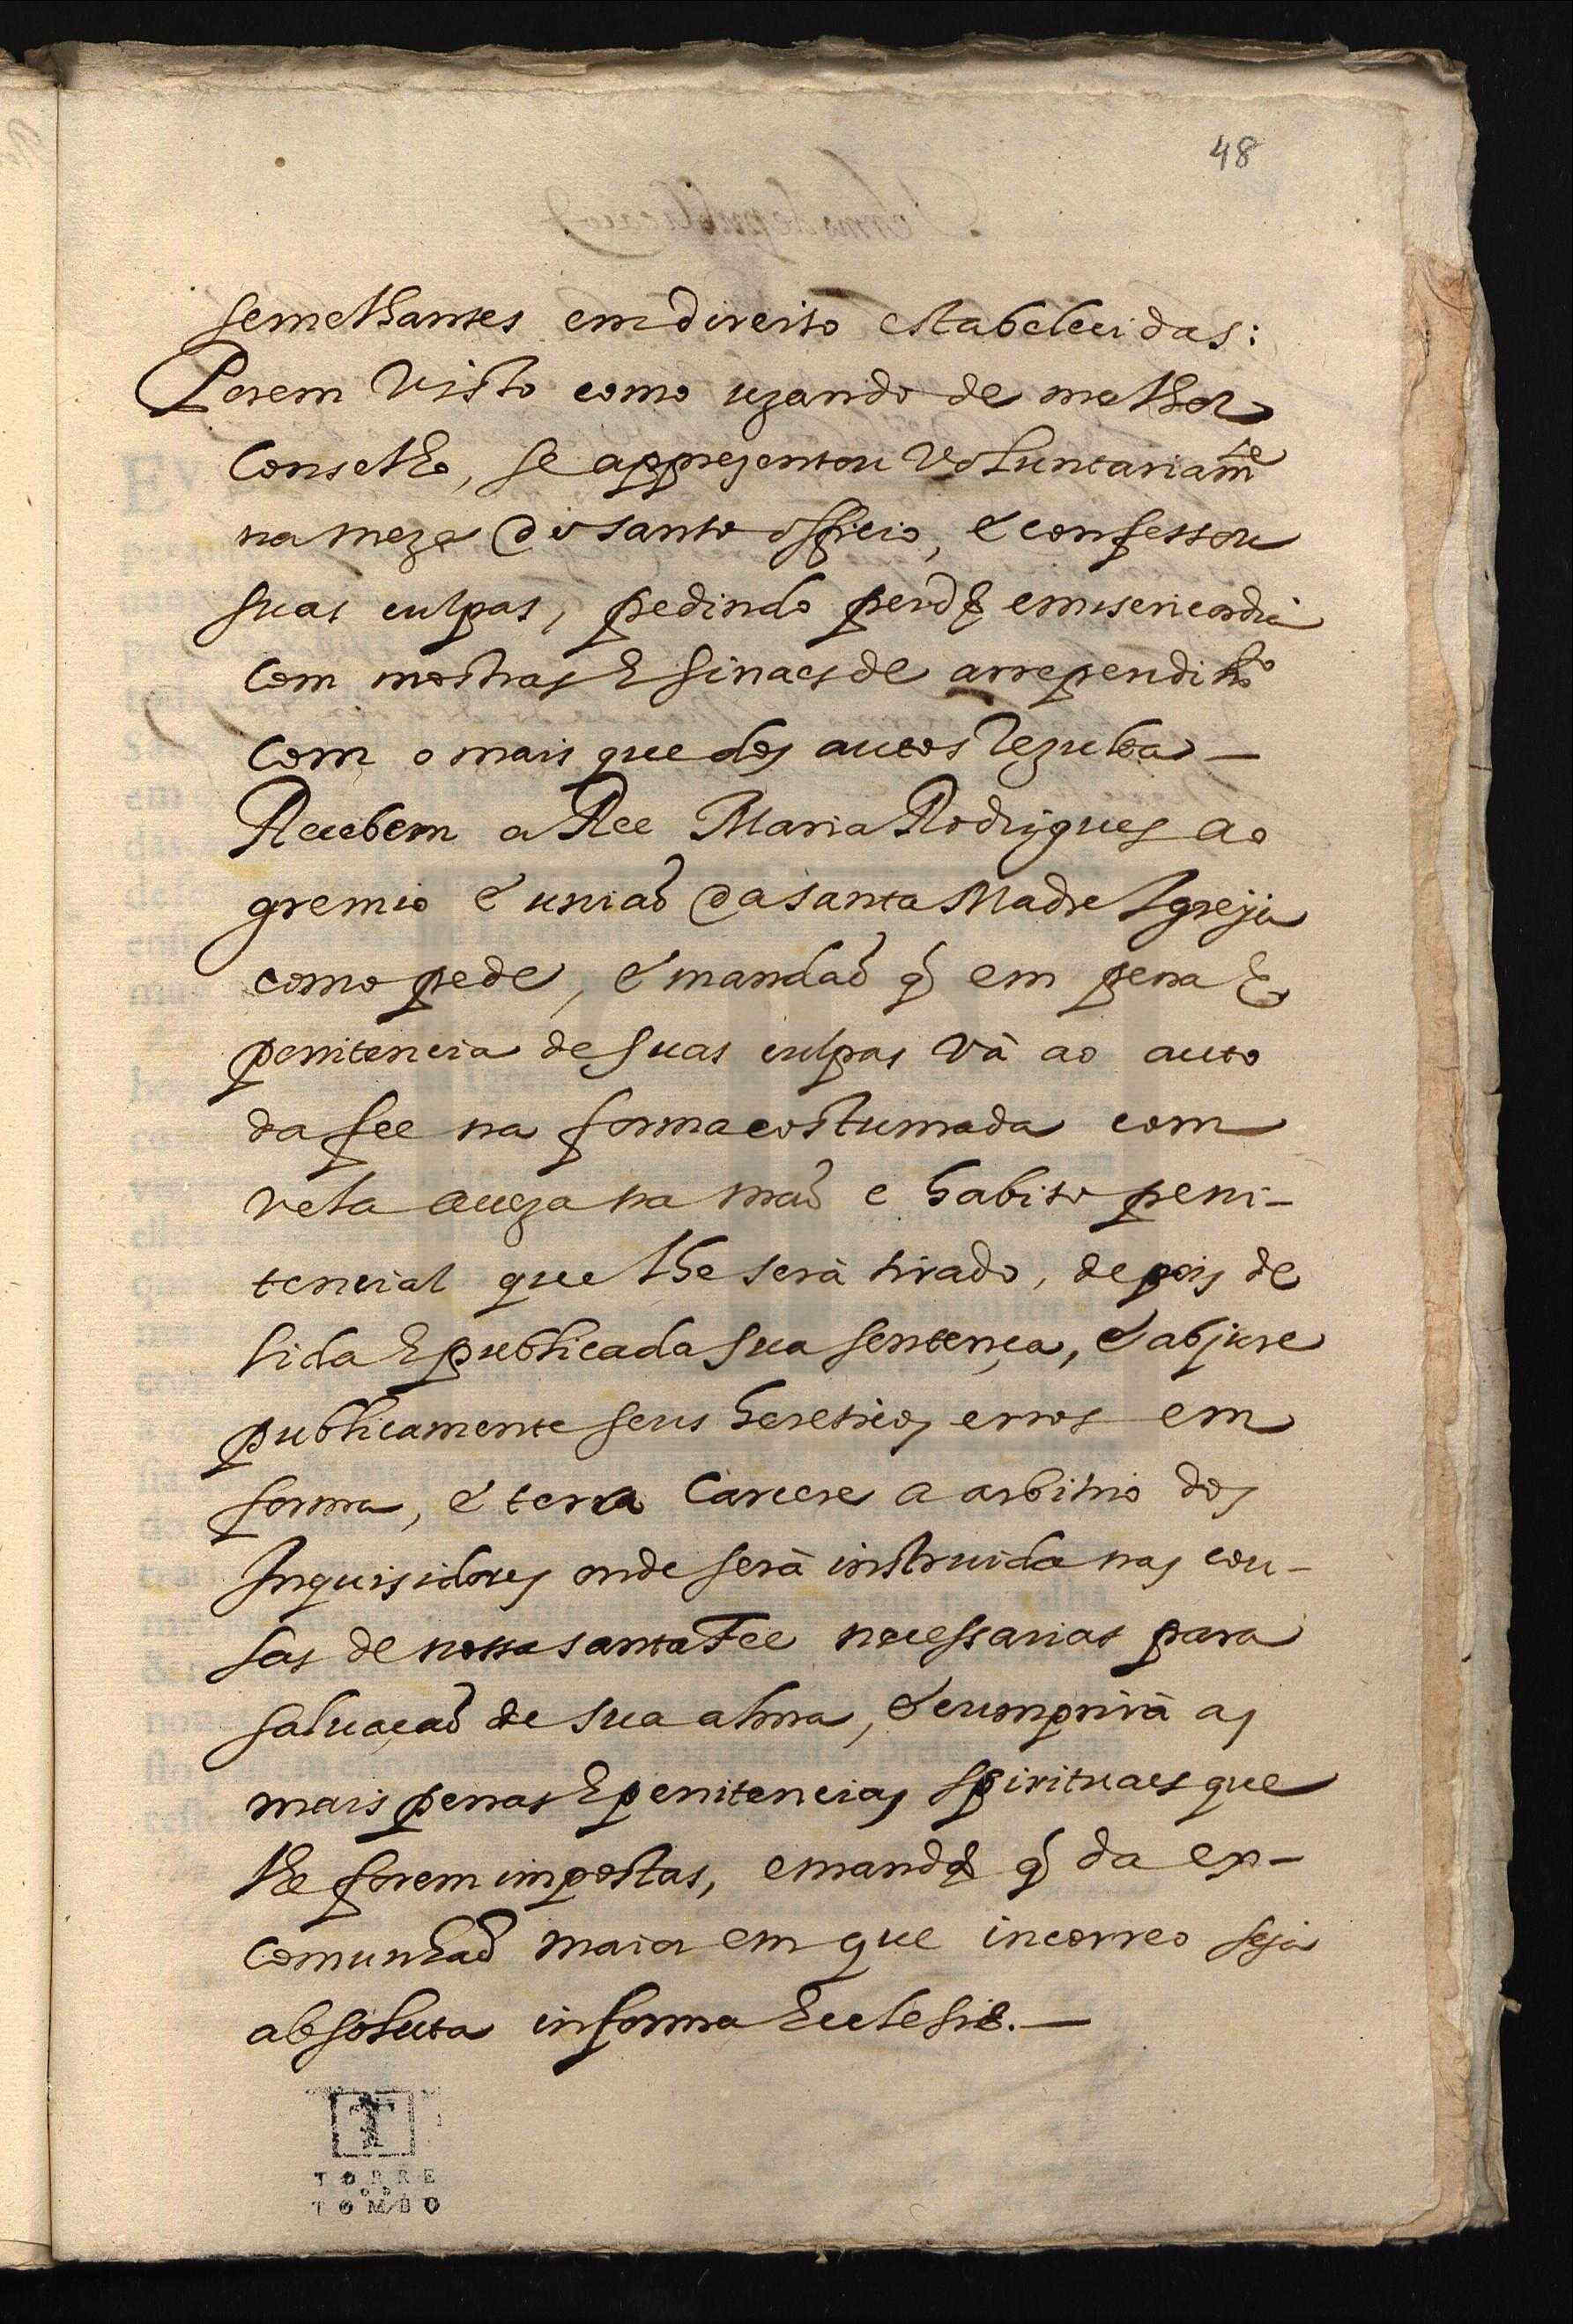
semelhantes em direito estabelecidas:
Porem visto como uzando de melhor
Conselho, se appresentou voluntariamte
na meza do santo officio, & confessou
suas culpas, pedindo perdaõ e misericordia
com mostras E sinaes de arrependimto
com o mais que dos autos Rezulta
Recebem a Ree Maria Rodrigues ao
gremio & uniaõ da santa Madre Igreya
como pede, & mandaõ q̄ em pena E
penitencia de suas culpas vá ao auto
da fee na forma costumada com
vela acceza na maõ e habito peni
tencial que lhe será tirado, depois de
lida E publicada sua sentença, & abjure
publicamente seus hereticos erros em
forma, & tera carcere a arbitrio dos
Jnquisidores onde será instruida tras cou
sas de nossa santa Fee necessarias para
saluaçaõ de sua alma, & cumprirá as
mais penas E penitencias spirituaes que
lhe forem impostas, e mandaõ q̄ da ex
comunhaõ maior em que incorreo seja
absoluta in forma Ecclesiæ.
